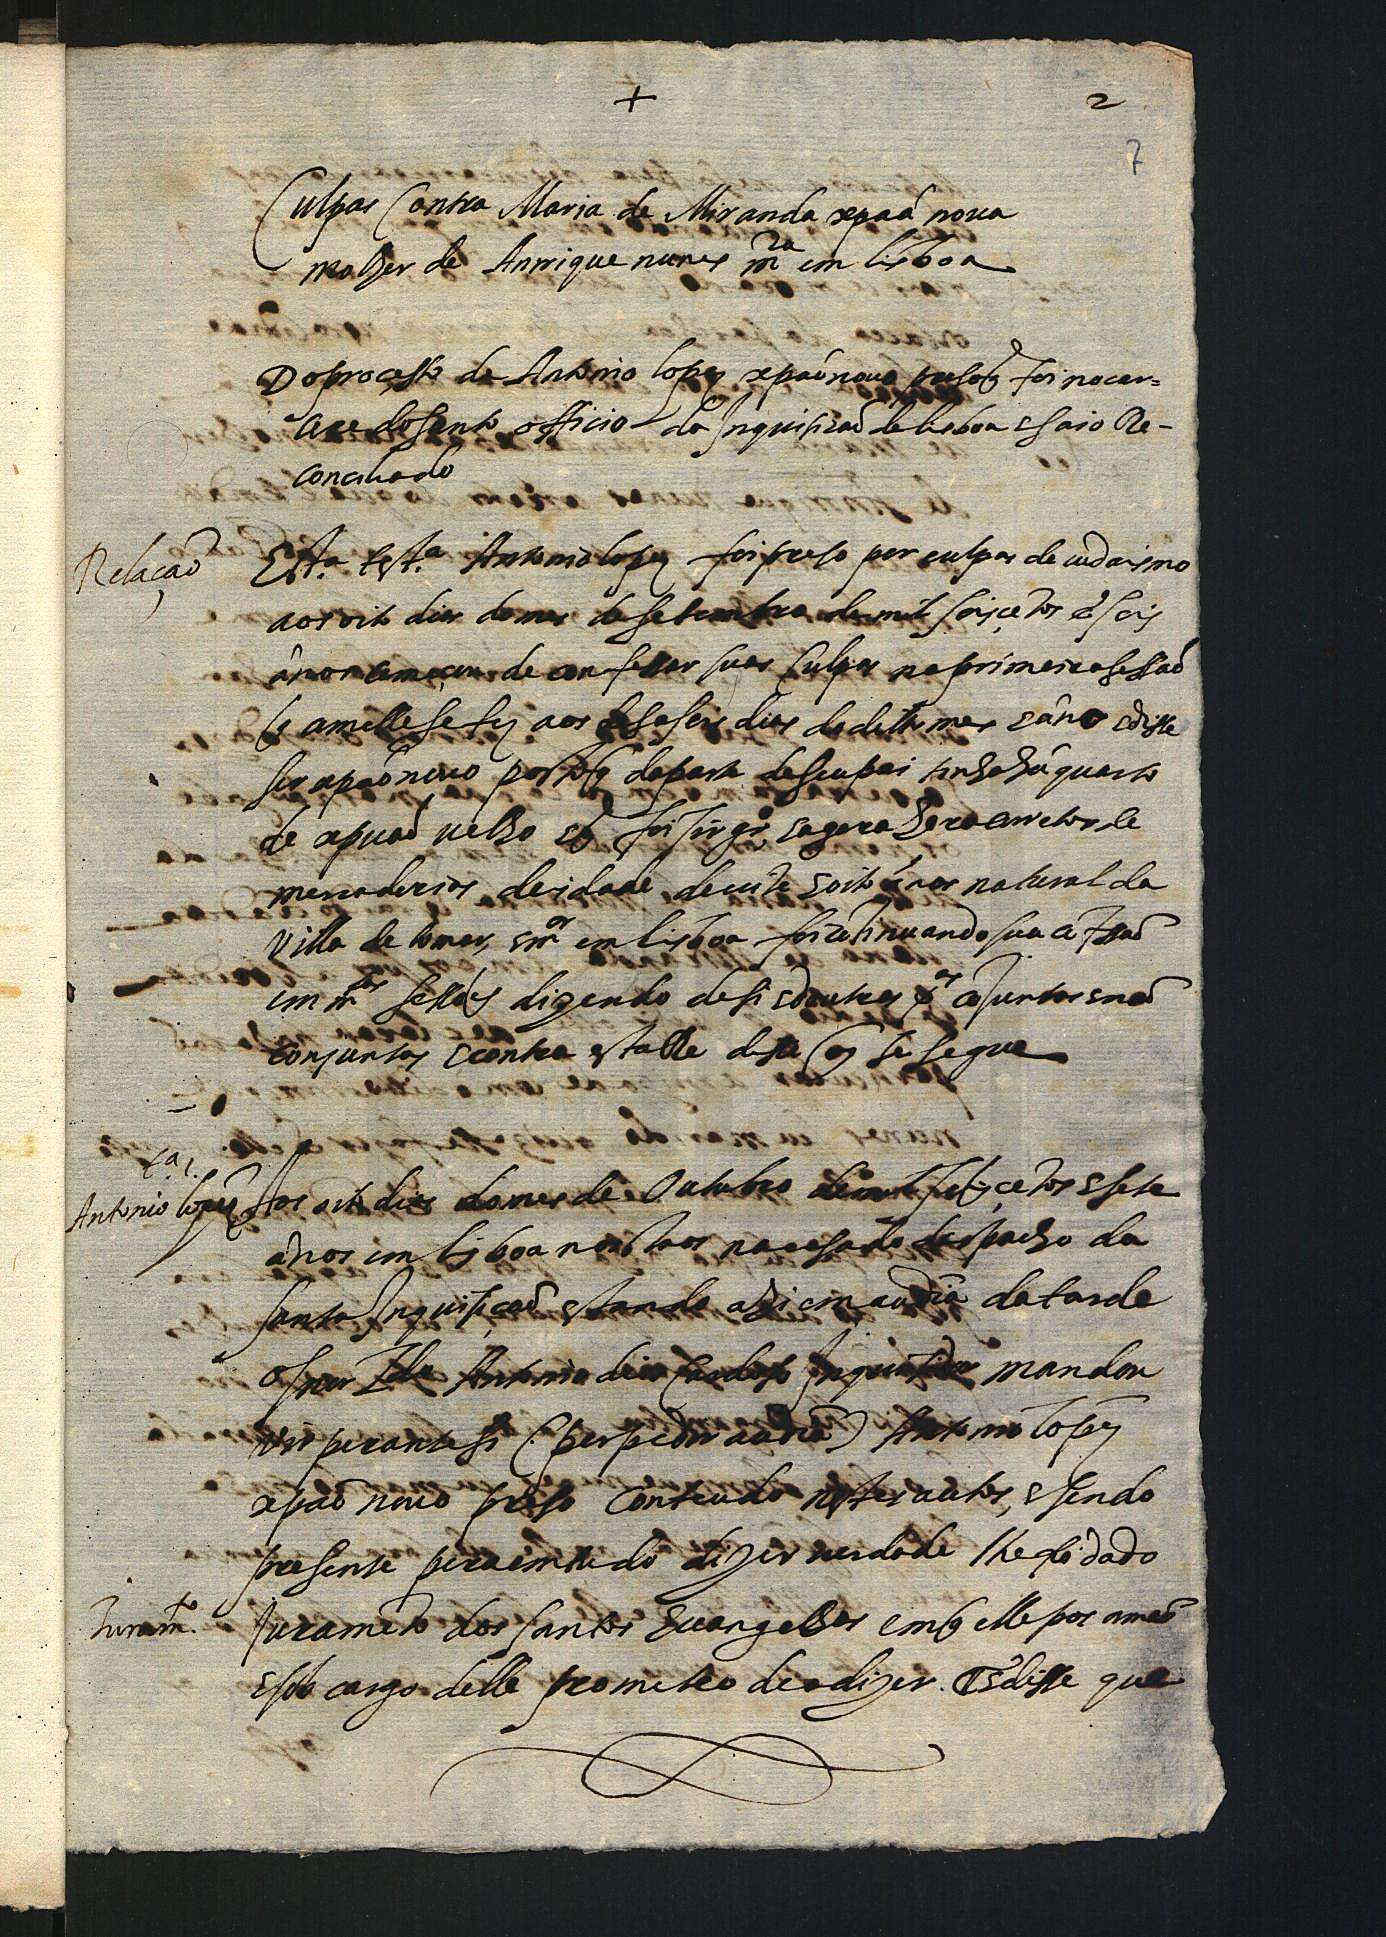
Culpas Contra Maria de Miranda xpaã noua
molher de Anrrique nunes mra em lisboa
Do proçesso de Antonio lopez xpaõ nouo preso q̄ foi no car
cere do santo officio da Jnquisicaõ de lisboa e saio Re
conciliado
Est.a test.a Antonio lopez foi preso por culpas de iudaismo
aos oito dias do mes de Setembro de mil seisçētos & seis
an̄os começou de confessar suas Culpas na primeira sessaõ
q̄ com elle se fez aos desaseis dias do ditto mes E an̄o E disse
ser xpaõ nouo posto q̄ da parte de Seu pai tinha há quarto
de xpuaõ uelho E q̄ foi Sirgro, E agora hera corretor de
mercadorias de idade de uīte E oito ānos natural da
villa de tomar, E mor em Lisboa foi cōtinuando sua cōfssaõ
em mtas sessoẽs dizendo de si E doutras pas cōJuntas E naõ
conjuntas E contra esta Re disse o q̄ se segue
Aos oito dias do mes de Outubro de mil seisçētos E sete
ānos em lisboa nos estaos na casa do despacho da
Santa Jnquisiçaõ estando ahi em audiā da tarde
o Snor Ldo Antonio dias Cardoso Jnquisidor mandou
vir perante si (per pedir audiā) Antonio Lopēz
xpaõ nouo preso conteudo nestes autos, e sendo
presente pera em tudo dizer uerdade lhe foi dado
Juramento dos Santos Euangelhos em q̄ elle pos a maõ
E sob cargo delle prometeo de o dizer ⁋ E disse que
